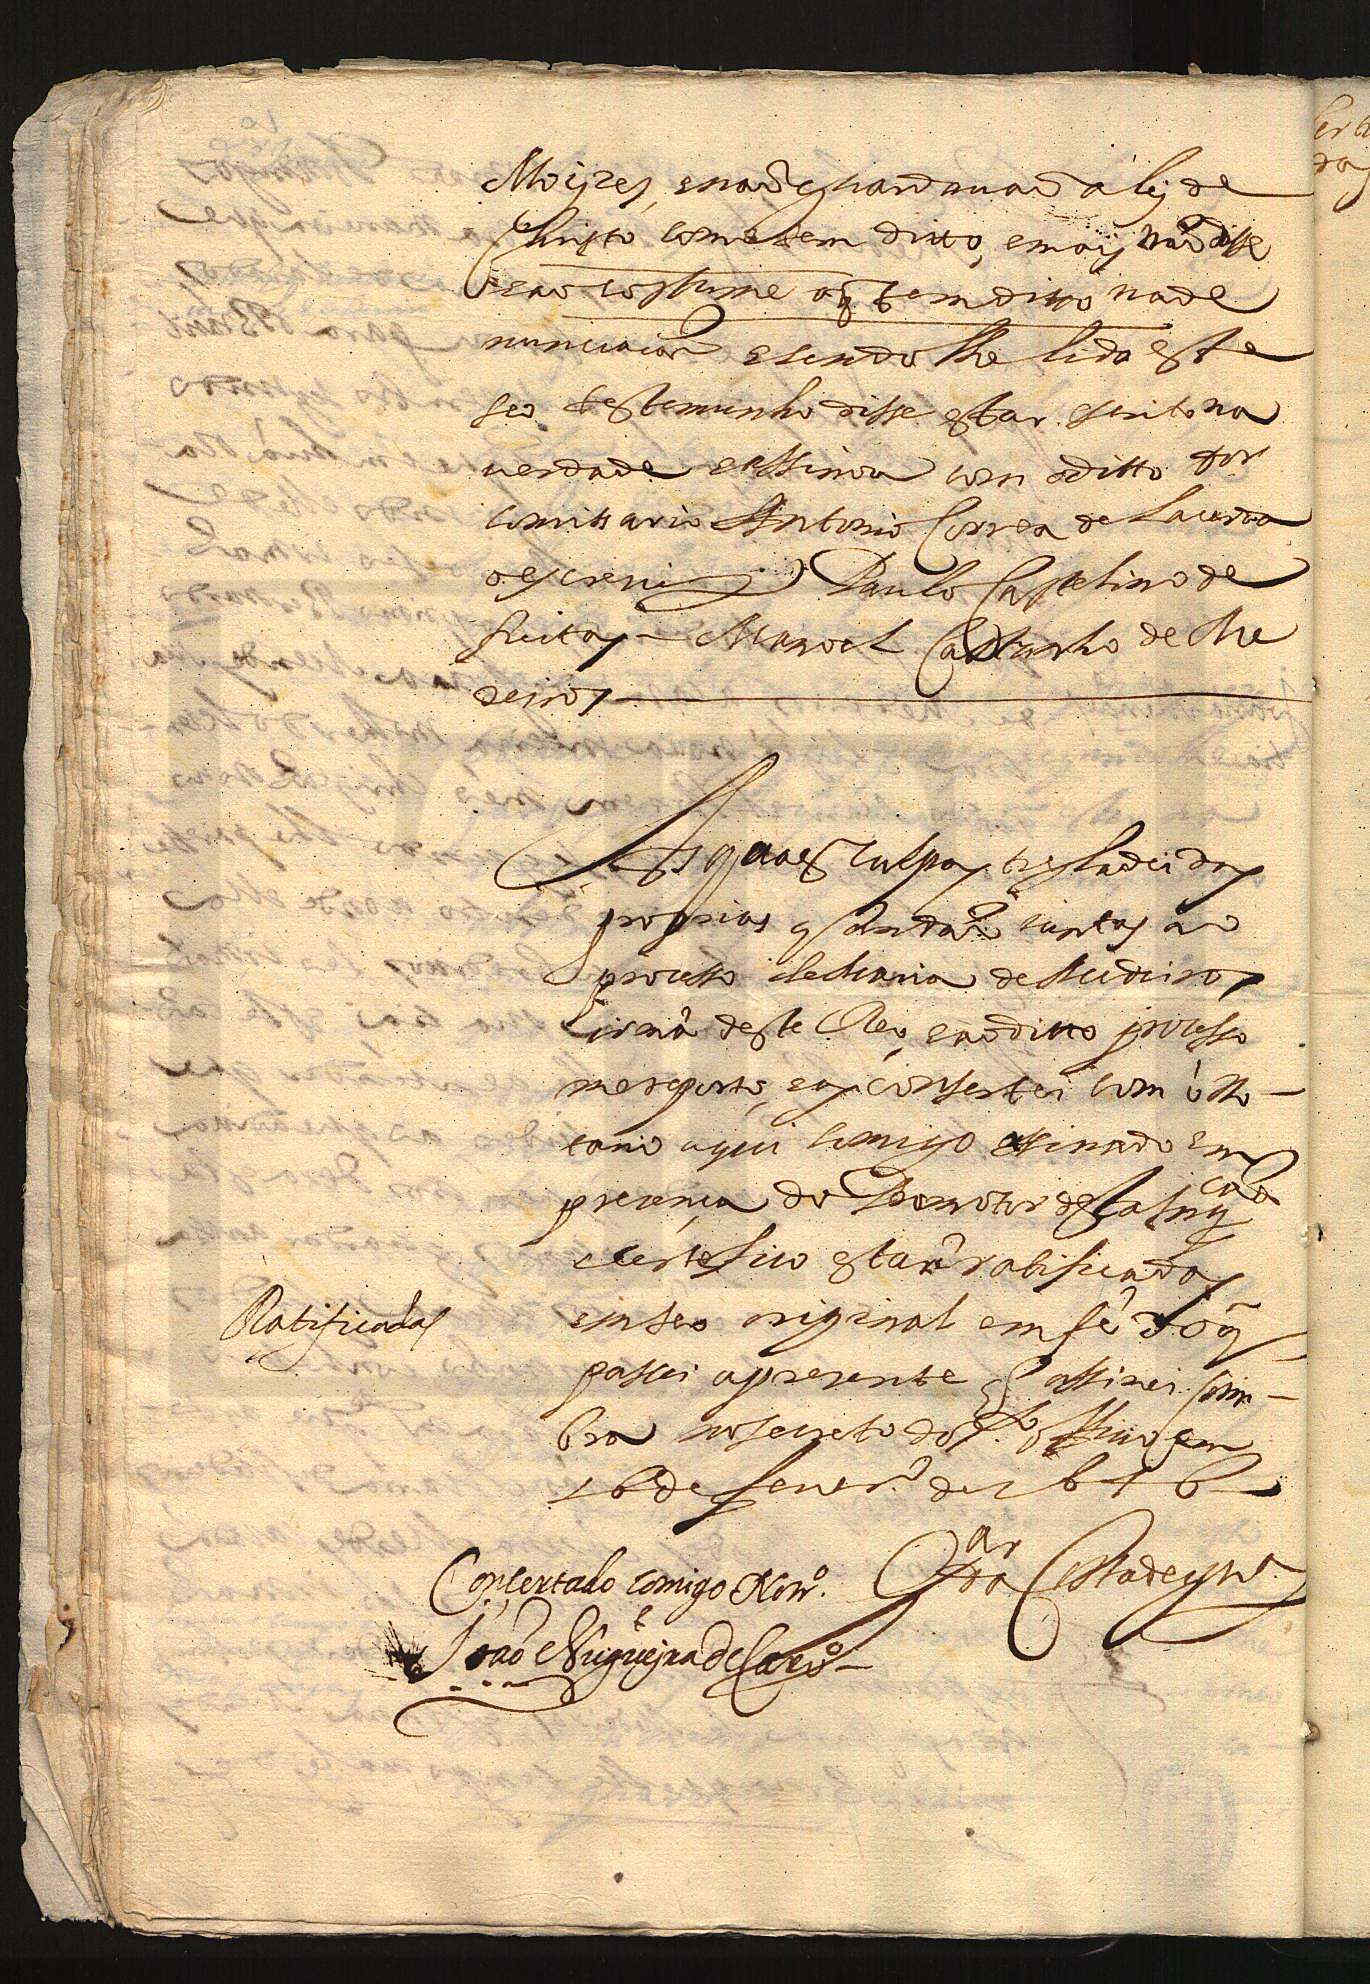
Ratificadas
Moyzes, E naō guardauaõ a lej de
Christo como tem ditto, e mais naõ disse
E ao costume o q̄ tem ditto na de
nunciação E sendolhe lido este
seo testemunho disse estar escrito na
uerdade E assinou com o ditto dor
comissario Antonio Correa de Lacerda
o escreui Paulo Castelino de
freitas Manoel Castanho de Me
deiros
As quaes culpas tresladei das
proprias q̄ andaõ iuntas ao
processo de Maria de Medeiros
irmã deste Reo, e ao ditto processo
me reporto, E as consertei com o No
tario aqui comigo assinado Em
prezença do Promotor desta Inqcaõ
e certefico estarē ratificadas
Em seo original em fé do q̄
passei a prezente E assinei Coim
bra no secreto do s.to officio em
16 de feuero. de 1646
Conçertado comigo Notro.
